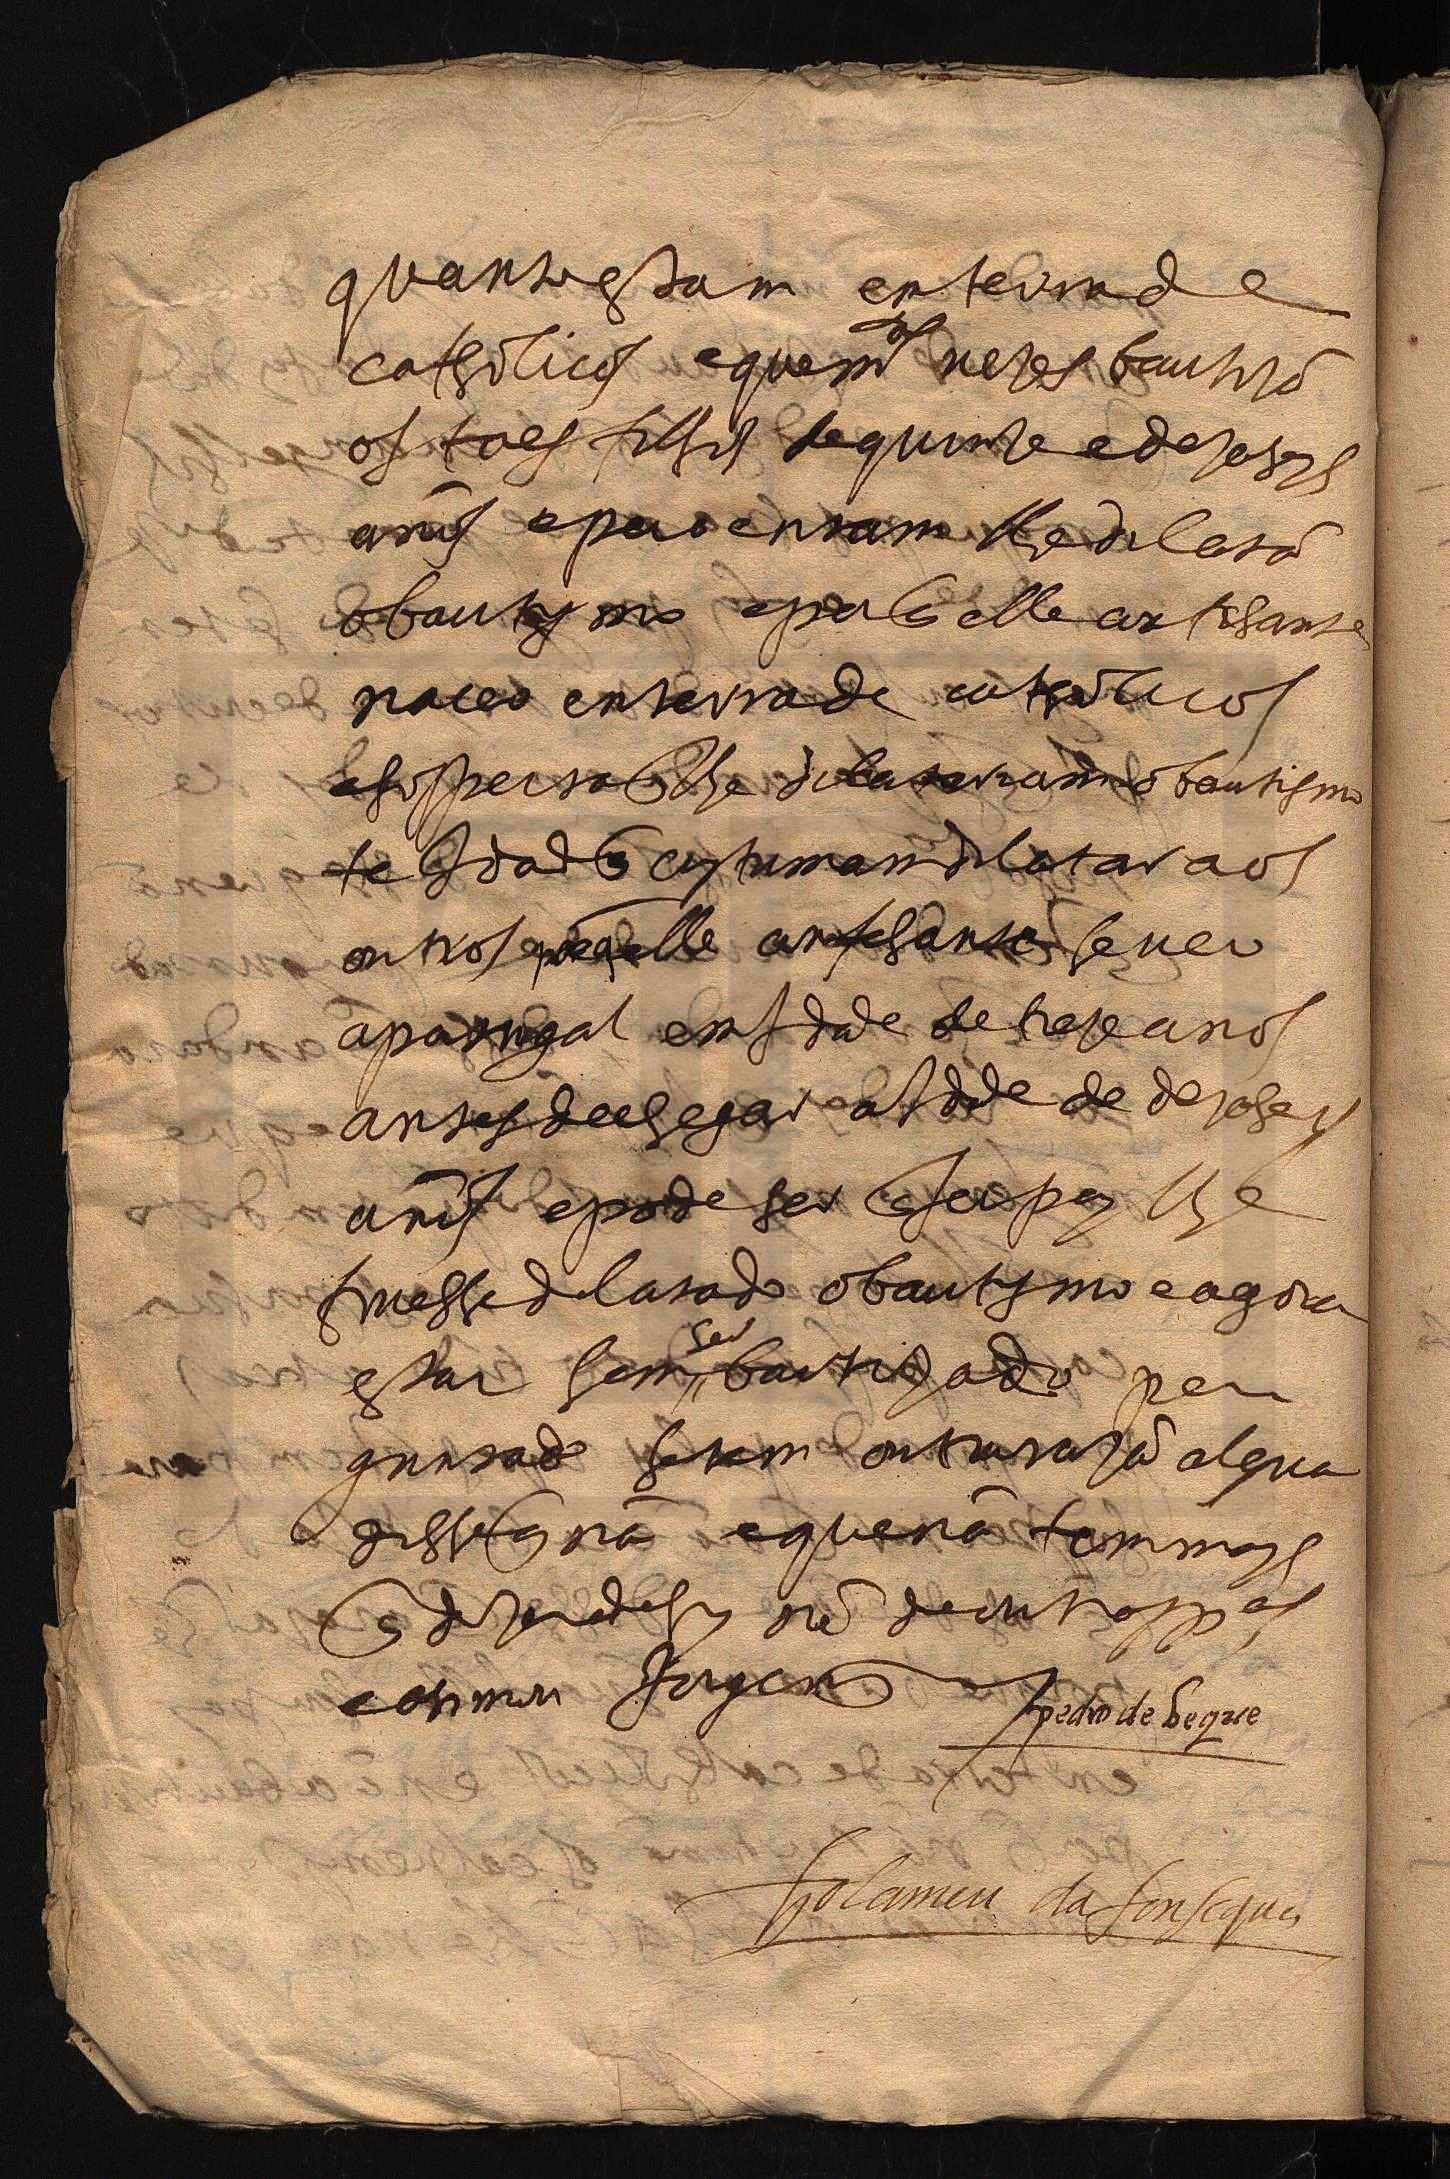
quanto estam em terra de
catholicos e que mtas uezes bautizō
os taes filhos de quinze e dezasejs
anōs e pero entam lhe dilatā
o bautismo e porq̄ elle confesante
naceo en terra de catholicos
e sospeita q̄ lhe dilatariam o bautismo
te Jdade q̄ custumam dilatar aos
outros porq̄ elle confesante se ueo
a portugal em Jdade de treze anos
antes de chargar a Jdade de dezaseis
anōs e pode ser q̄ seu paj lhe
tiuesse dilatado o bautismo e agora
estar sem ser baurizado per
guntado se tem outra razā algua
disse q̄ nā e que nā tem majs
q̄ dizer de sy nē de outras pas
e asinou Jorge mz̄
pedro de beque
bolameu da fonsequa
